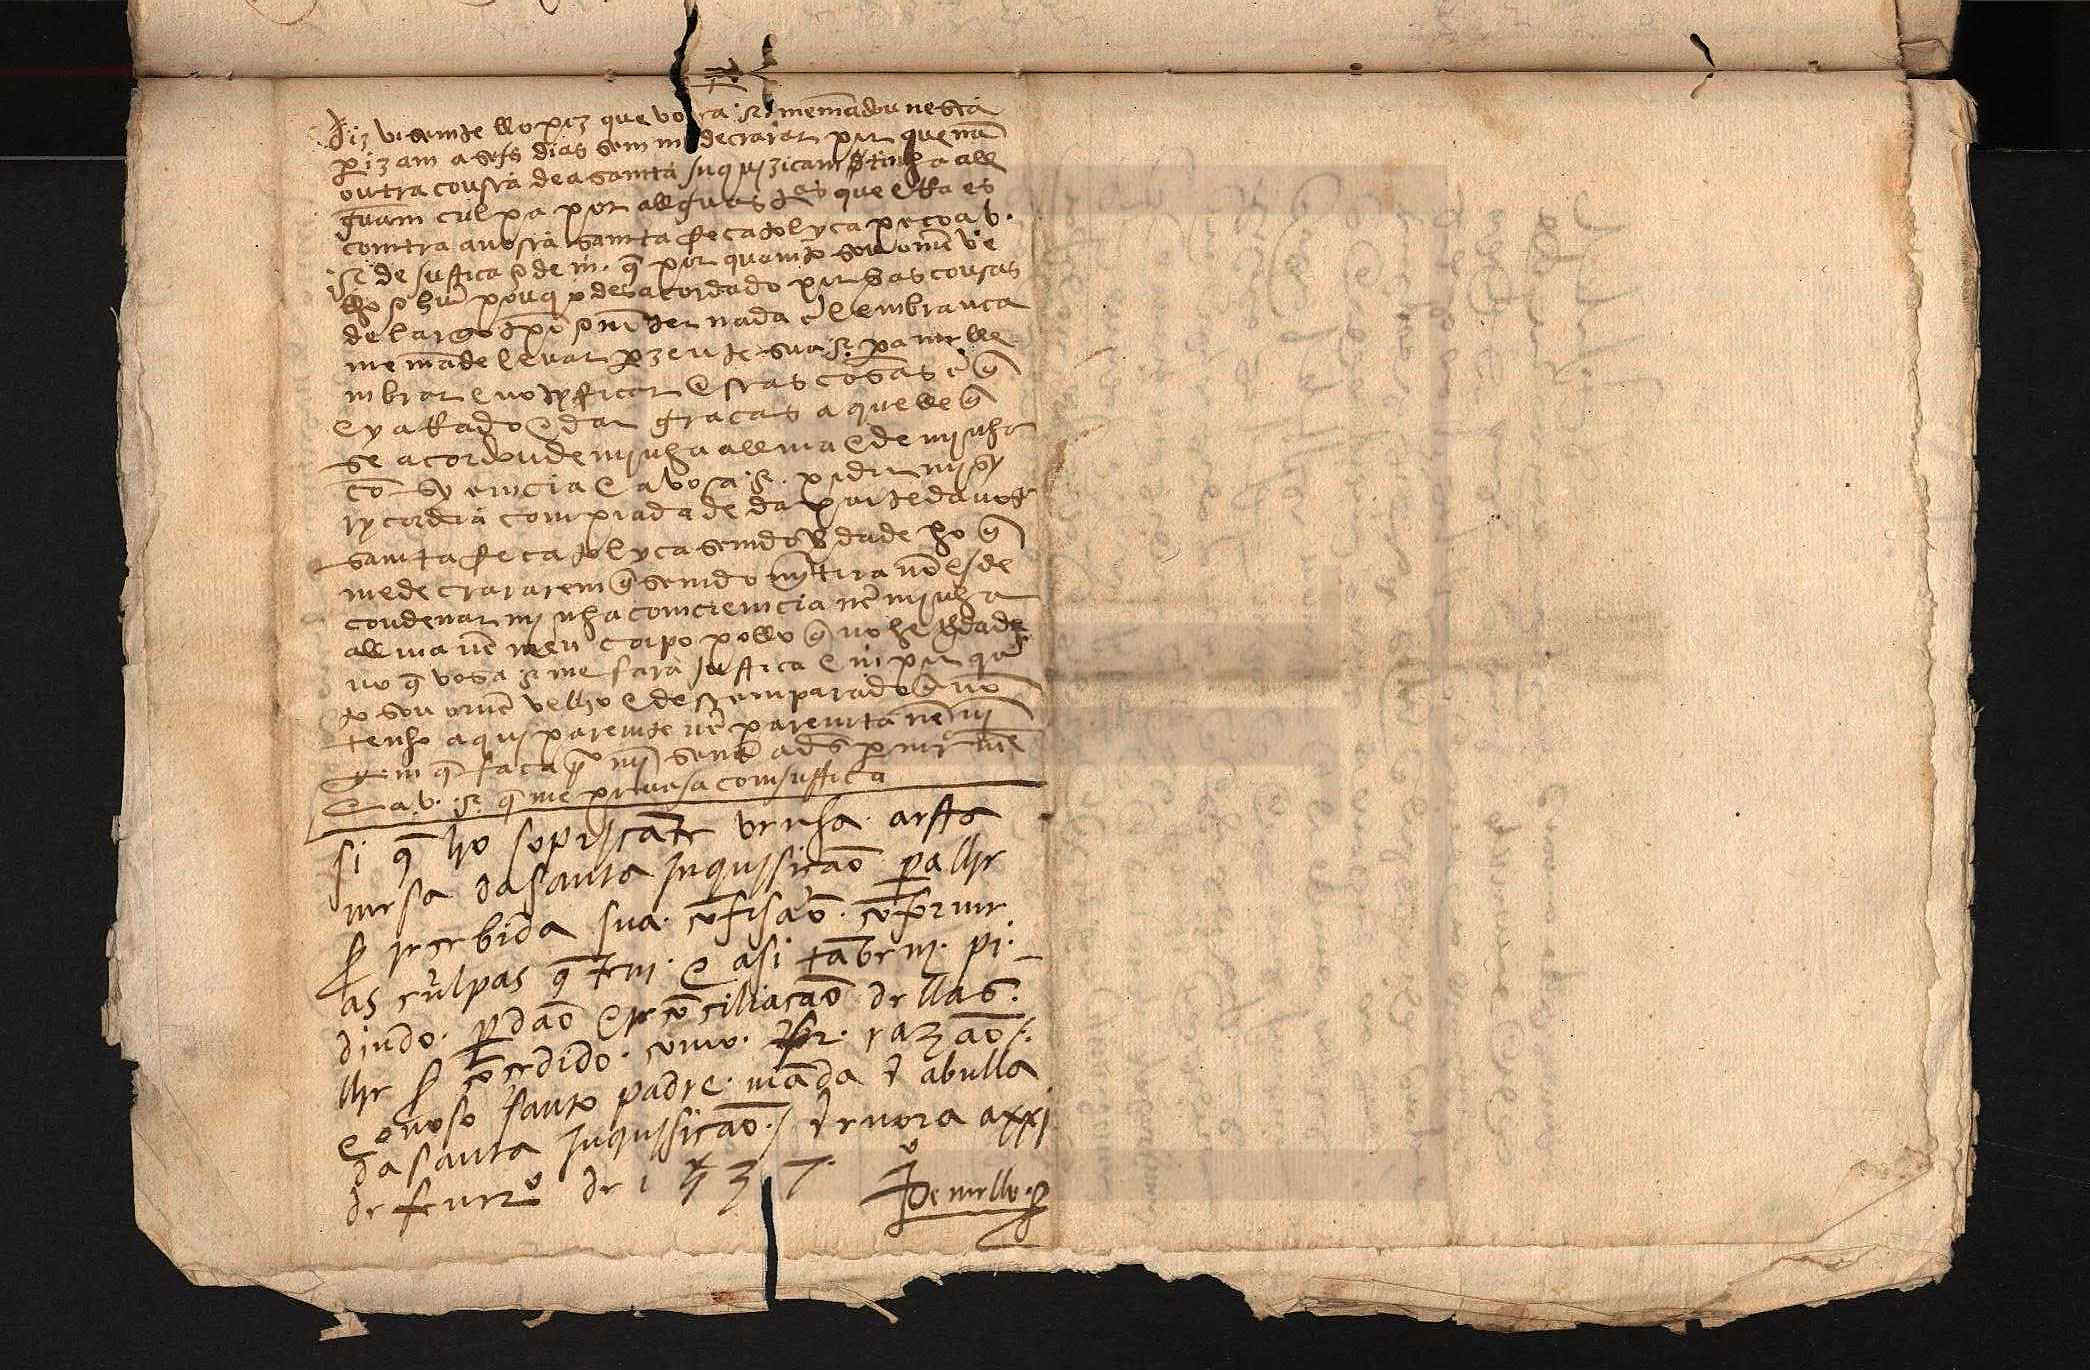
diz visemte llopez que vosa .s. me mādou nesta
ꝑizam a seJs dias sem me decrarar por que erā
outra coussa de a samta Jnqujziçam dtinha all
guam culpa por allguas tas que eRa es
comtra a nossa samta fe catolyca peço a v.
s. de Justiça e de m. q̄ porquamto sou omē ve
lho e hū pouqo desacordado por ꞩ as cousas
de largo tpō e nō ter nada ē lembrança
me māde leuar ꝑzente sua s. ꝑa me lle
mbrar e notyficar essas cosas ē q̄
ey aRado e dar graças aquelle q̄
se acordou de mjnha allma e de mjnha
cōsyemcia e a vosa s. pidir mjsy
rycordia com piadade da parte da nosa
samta fe catolyca semdo ꝟdade ho q̄
me decrararem q̄ semdo mītira n̄o eJde
condenar mjnha comciemcia nē mjnha
allma nē meu corpo pollo q̄ no he ꝟdade
no q̄ vosa s. me farà Justiça e m. porquā
to sou omē velho e dessemparado q̄ nō
tenho aquj paremte nē paremta nē nj̄
gem q̄ faça p̄o mj̄ senā a ds̄ ꝑmramte
e a v. s. q̄ me proueJa com Justiça
si q̄ ho soprjcāte venha a esta
mesa da santa Jnqujsição ꝑa lhe
ꞩ recebida sua cōfisão cōforme
as culpas q̄ tem e asi tābem. pi
dindo ꝑdão e recōciliação dellas.
lhe ꞩ cōcedido. como for razão /.
e o noso santo padre māda ē a bulla
da santa Jnqujsição ./ ē euora a xxj
de feuero de 1537
Jo de mello
